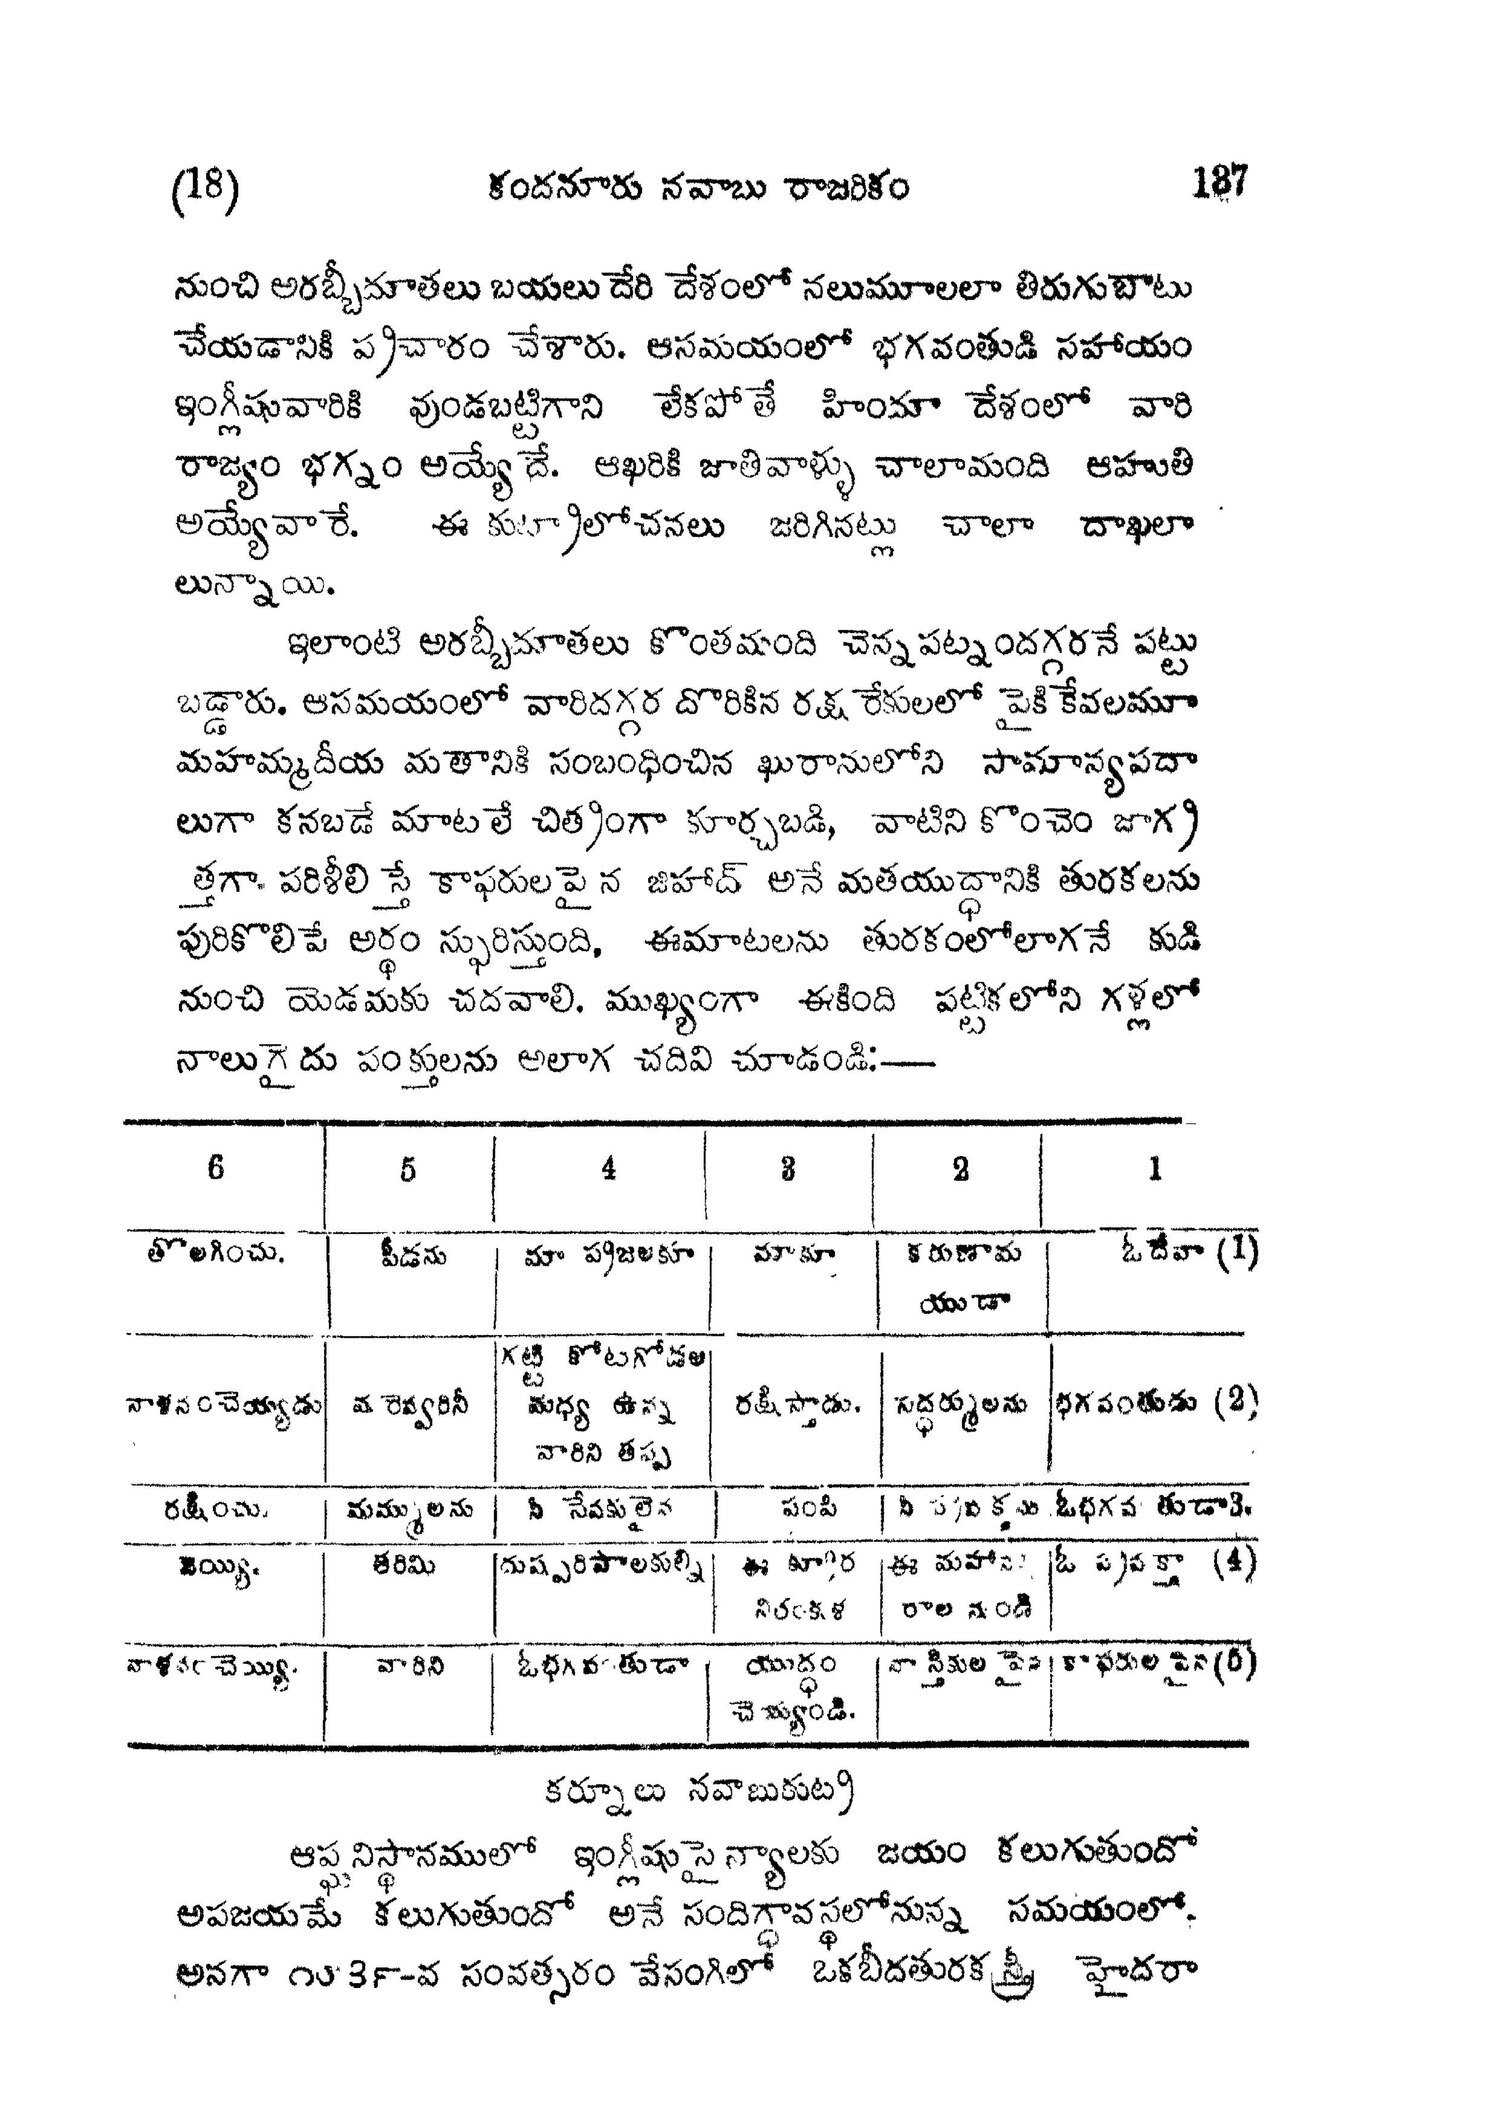నుంచి అరబ్బీదూతలు బయలుదేరి దేశంలో నలుమూలలా తిరుగుబాటు చేయడానికి ప్రచారం చేశారు. ఆసమయంలో భగవంతుడి సహాయం ఇంగ్లీషువారికి వుండబట్టిగాని లేకపోతే హిందూ దేశంలో వారి రాజ్యం భగ్నం అయ్యేదే. ఆఖరికి జాతివాళ్ళు చాలామంది ఆహుతి అయ్యెవారే. ఈకుట్రాలోచనలు జరిగినట్లు చాలా దాఖలాలున్నాయి.

ఇలాంటి అరబ్బీదూతలు కొంతమంది చెన్నపట్నందగ్గరనే పట్టుబడ్డారు. ఆసమయంలో వారిదగ్గర దొరికిన రక్షరేకులలో పైకికేవలమూ మహమ్మదీయ మతానికి సంబంధించిన ఖురానులోని సామాన్యపదాలుగా కనబడే మాటలే చిత్రంగా కూర్చబడి, వాటిని కొంచెం జాగ్రత్తగా పరిశీలిస్తే కాఫరులపైన జిహాద్ అనే మతయుద్దానికి తురకలను పురిగొలిపే అర్ధం స్ఫురిస్తుంది. ఈమాటలను తురకంలోలాగనే కుడినుంచి యెడమకు చదవాలి. ముఖ్యంగా ఈకింది పట్టికలోని గళ్లలో నాలుగైదు పంక్తులను ఇలాగ చదివి చూడండి:-

 6 5 4 3 2 1 తొలగించు పీడను మాప్రజలకూ మాకూ కరుణామయుడా ఓ దేవా(1) నాశనం చెయ్యడు మరెవ్వరినీ గట్టి కోటగోడల మధ్య ఉన్నవారిని తప్ప రక్షిస్తాడు సద్ధర్ములను భగవంతుడు(2) రక్షించు మమ్ములను నీ సేవకులైన పంపి నీ ప్రవక్తను ఓ భగవంతుడా (3) వెయ్యి తరిమి దుష్పరిపాలకుల్ని ఈ క్రూర నిరంకుశ ఈ మహానగరాల నుండి ఓ ప్రవక్తా(4) నాశనం చెయ్యి వారిని ఓ భగవంతుడా యుద్ధం చెయ్యండి నాస్తికులపైన కాఫరుల పైన(5) 
 
ఆఫ్ఘనిస్థానములో ఇంగ్లీషుసైన్యాలకు జయం కలుగుతుందో అపజయమే కలుగుతుందో అనే సందిగ్ధావస్థలోనున్న సమయంలో అనగా 1839- వ సంవత్సరంలో ఒకబీదతురక స్త్రీ హైదరా